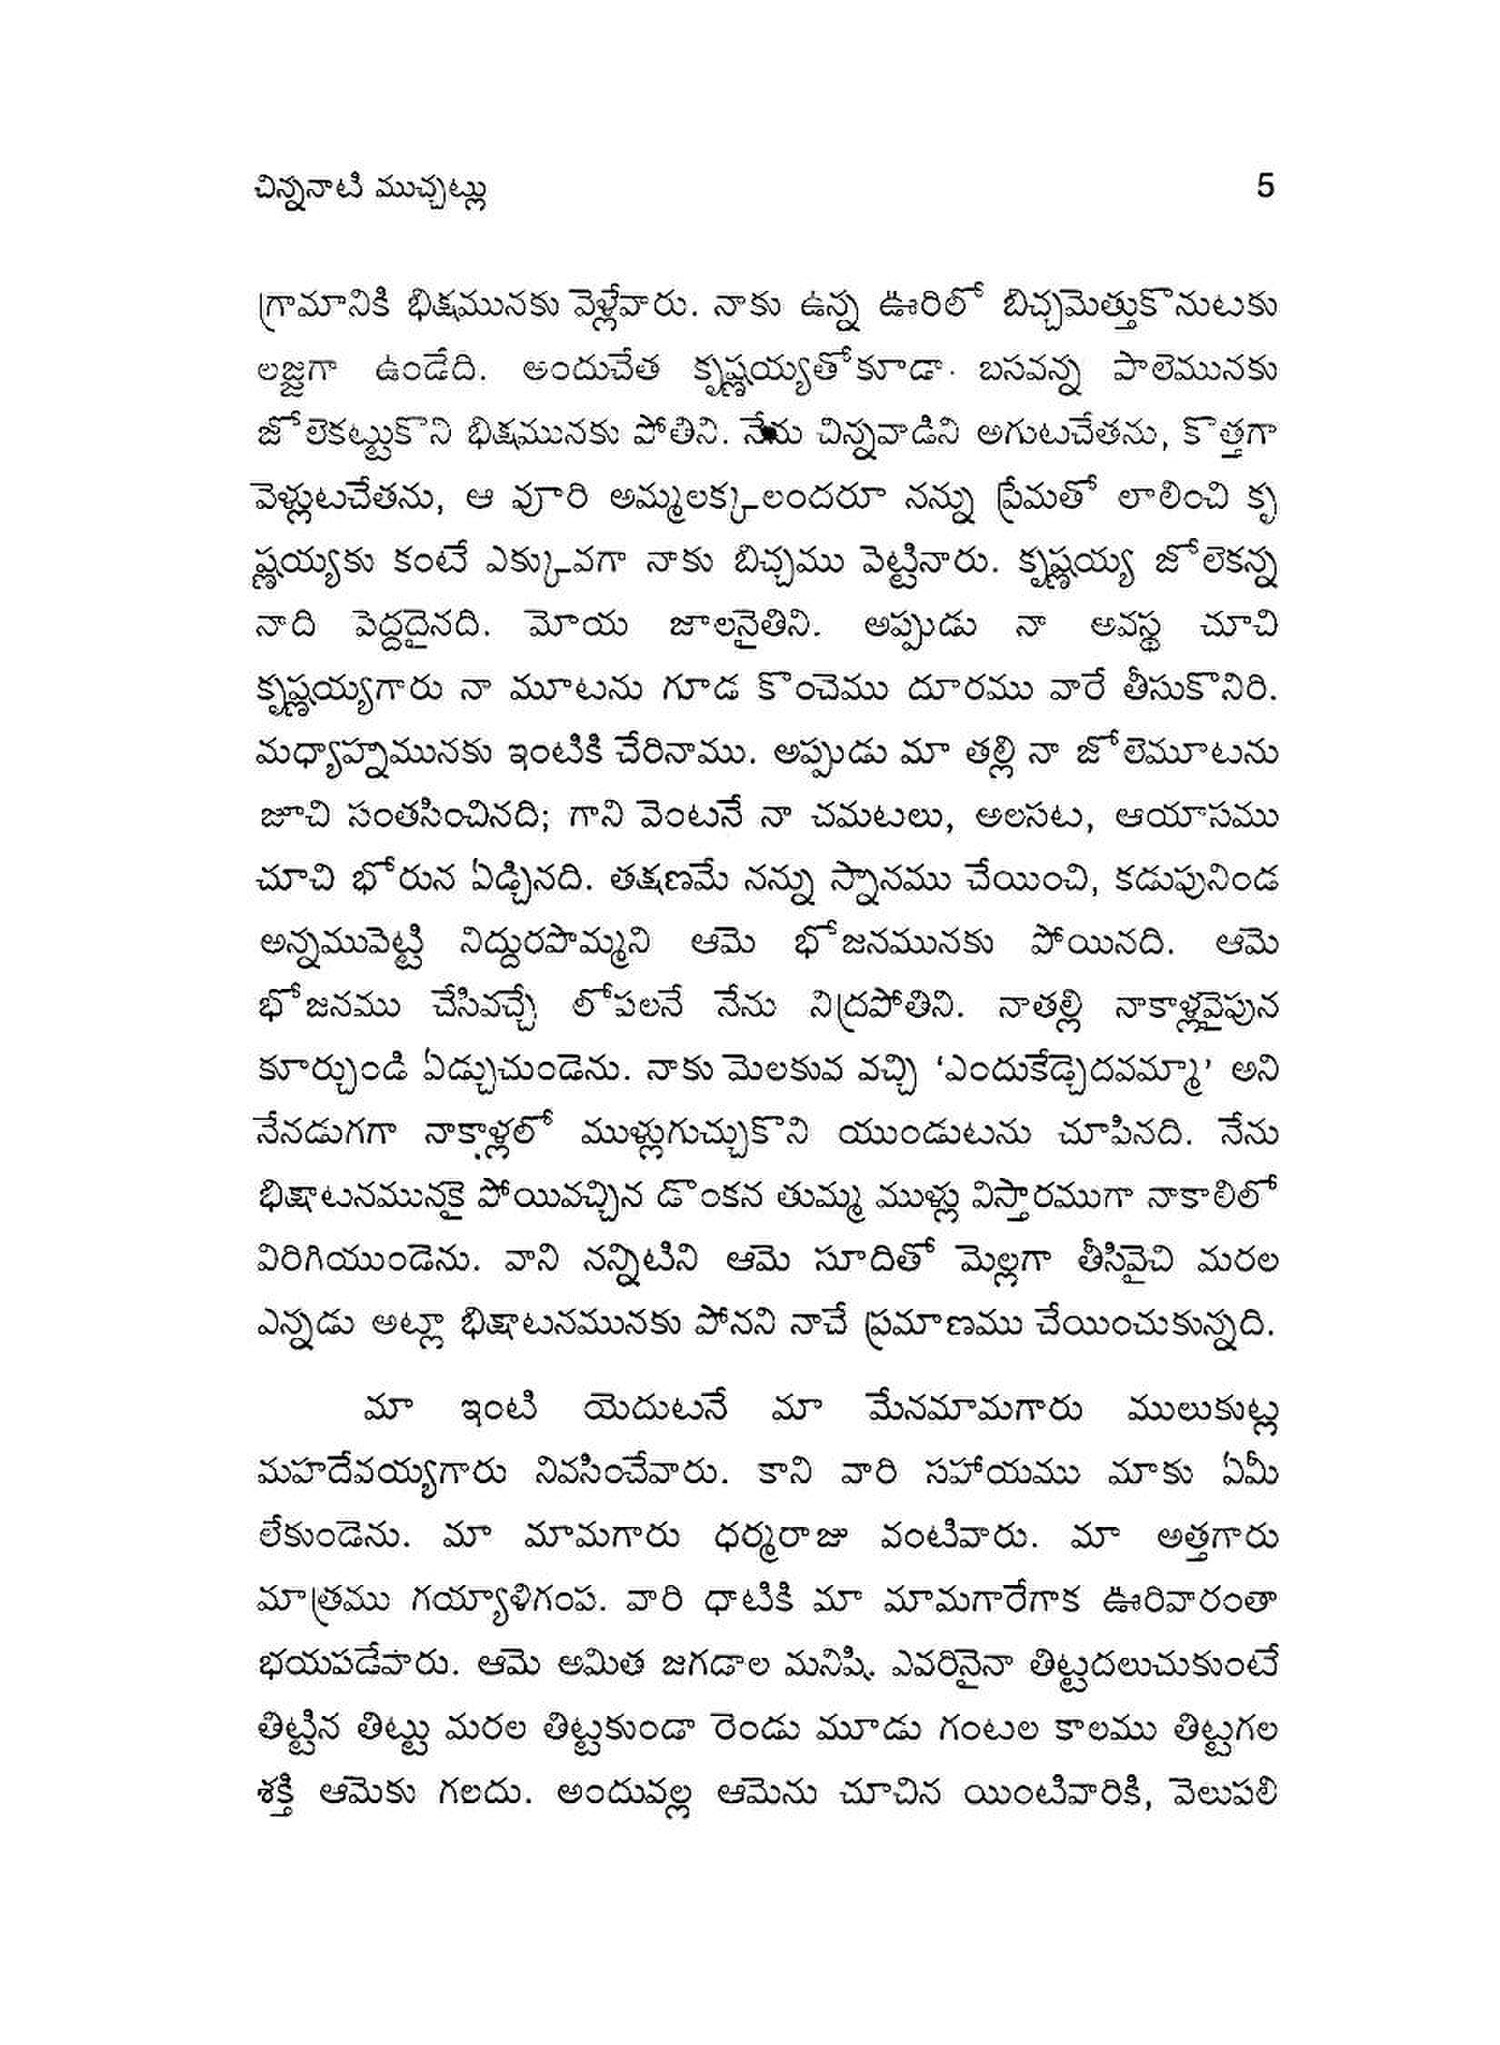గ్రామానికి భిక్షమునకు వెళ్లేవారు. నాకు ఉన్న ఊరిలో బిచ్చమెత్తుకొనుటకు లజ్జగా ఉండేది. అందుచేత కృష్ణయ్యతో కూడా బసవన్న పాలెమునకు జోలెకట్టుకొని భిక్షమునకు పోతిని. నేను చిన్నవాడిని అగుటచేతను, కొత్తగా వెళ్లుటచేతను, ఆ వూరి అమ్మలక్కలందరూ నన్ను ప్రేమతో లాలించి కృష్ణయ్యకు కంటే ఎక్కువగా నాకు బిచ్చము పెట్టినారు. కృష్ణయ్య జోలెకన్న నాది పెద్దదైనది. మోయ జాలనైతిని. అప్పుడు నా అవస్థ చూచి కృష్ణయ్యగారు నా మూటను గూడ కొంచెము దూరము వారే తీసుకొనిరి. మధ్యాహ్నమునకు ఇంటికి చేరినాము. అప్పడు మా తల్లి నా జోలెమూటను జూచి సంతసించినది; గాని వెంటనే నా చమటలు, అలసట, ఆయాసము చూచి భోరున ఏడ్చినది. తక్షణమే నన్ను స్నానము చేయించి, కడుపునిండ అన్నముపెట్టి నిదురపొమ్మని ఆమె భోజనమునకు పోయినది. ఆమె భోజనము చేసివచ్చే లోపలనే నేను నిద్రపోతిని. నాతల్లి నాకాళ్లవైపున కూర్చుండి ఏడ్చుచుండెను. నాకు మెలకువ వచ్చి "ఎందుకేడ్చెదవమ్మా అని నేనడుగగా నాకాళ్లలో ముళ్లుగుచ్చుకొని యుండుటను చూపినది. నేను భిక్షాటనమునకై పోయివచ్చిన డొంకన తుమ్మ ముళ్లు విస్తారముగా నాకాలిలో విరిగియుండెను. వాని నన్నిటిని ఆమె సూదితో మెల్లగా తీసివైచి మరల ఎన్నడు అట్లా భిక్షాటనమునకు పోనని నాచే ప్రమాణము చేయించుకున్నది.

మా ఇంటి యెదుటనే మా మేనమామగారు ములుకుట్ల మహదేవయ్యగారు నివసించేవారు. కాని వారి సహాయము మాకు ఏమీ లేకుండెను. మా మామగారు ధర్మరాజు వంటివారు. మా అత్తగారు మాత్రము గయ్యాళిగంప. వారి ధాటికి మా మామగారేగాక ఊరివారంతా భయపడేవారు. ఆమె అమిత జగడాల మనిషి ఎవరినైనా తిట్టదలుచుకుంటే తిట్టిన తిట్టు మరల తిట్టకుండా రెండు మూడు గంటల కాలము తిట్టగల శక్తి ఆమెకు గలదు. అందువల్ల ఆమెను చూచిన యింటివారికి, వెలుపలి